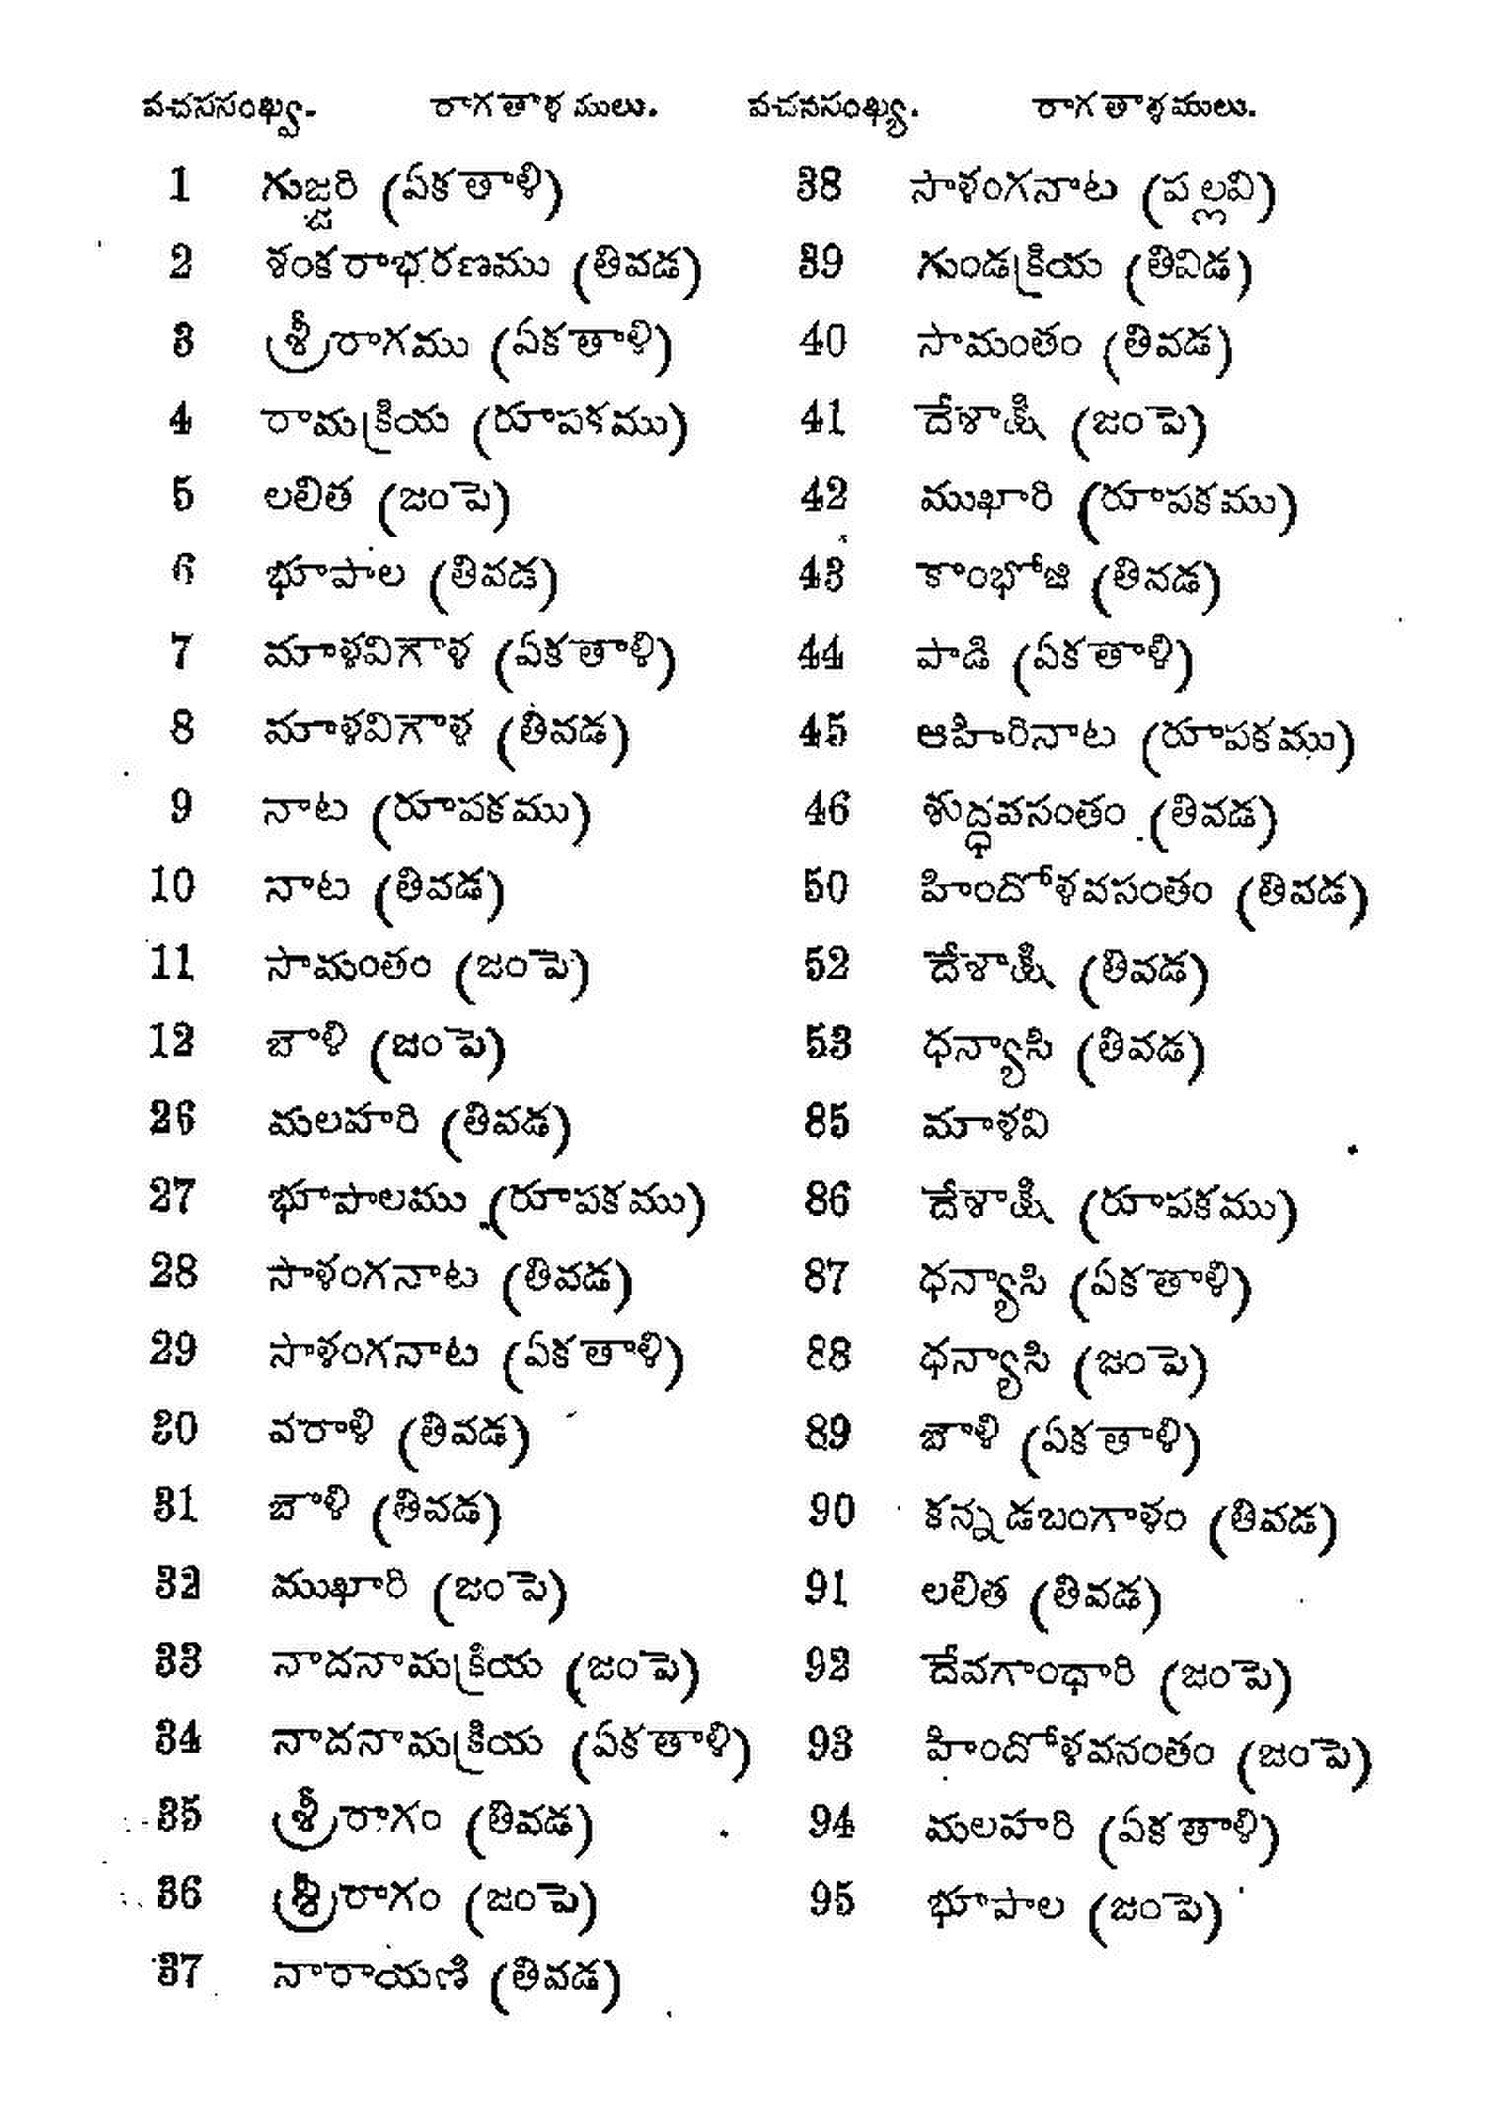వచనసంఖ్య రాగతాళములు వచనసంఖ్య రాగతాళములు 1 గుజ్జరి (ఏకతాళి) 38 సాళంగనాట (పల్లవి) 2 శంకరాభరణము (తివడ) 39 గుండక్రియ (తివిడ) 3 శ్రీరాగము (ఏకతాళి) 40 సామంతం (తివడ) 4 రామక్రియ (రూపకము) 41 దేశాక్షి (జంపె) 5 లలిత (జంపె) 42 ముఖారి (రూపకము) 6 భూపాల (తివడ) 43 కాంభోజి (తివడ) 7 మాళవిగౌళ (ఏకతాళి) 44 పాడి (ఏకతాళి) 8 మాళవిగౌళ (తివడ) 45 ఆహిరినాట (రూపకము) 9 నాట (రూపకము) 46 శుద్ధవసంతం (తివడ) 10 నాట (తివడ) 50 హిందోళవసంతం (తివడ) 11 సామంతం (జంపె) 52 దేశాక్షి (తివడ) 12 బౌళి (జంపె) 53 ధన్యాసి (తివడ) 26 మలహరి (తివడ) 85 మాళవి 27 భూపాలము (రూపకము) 86 దేశాక్షి (రూపకము) 28 సాళంగనాట (తివడ) 87 ధన్యాసి (ఏకతాళి) 29 సాళంగనాట (ఏకతాళి) 88 ధన్యాసి (జంపె) 30 వరాళి (తివడ) 89 బౌళి (ఏక తాళి) 31 బౌళి (తివడ) 90 కన్నడ బంగాళం (త్రివడ) 32 ముఖారి (జంపె) 91 లలిత (తివడ) 33 నాదనామక్రియ (జంపె) 92 దేవగాంధారీ (జం 2) 34 నాదనామక్రియ (ఏకతాళి) 93 హిందోళవనంతం (జంపె) 35 శ్రీరాగం (తివడ) 94 మలహరి (ఏక తాళ్ళి 36 శ్రీరాగం (జంపె) 95 భూపాల (జంపె) 37 నారాయణి (త్రివడ)